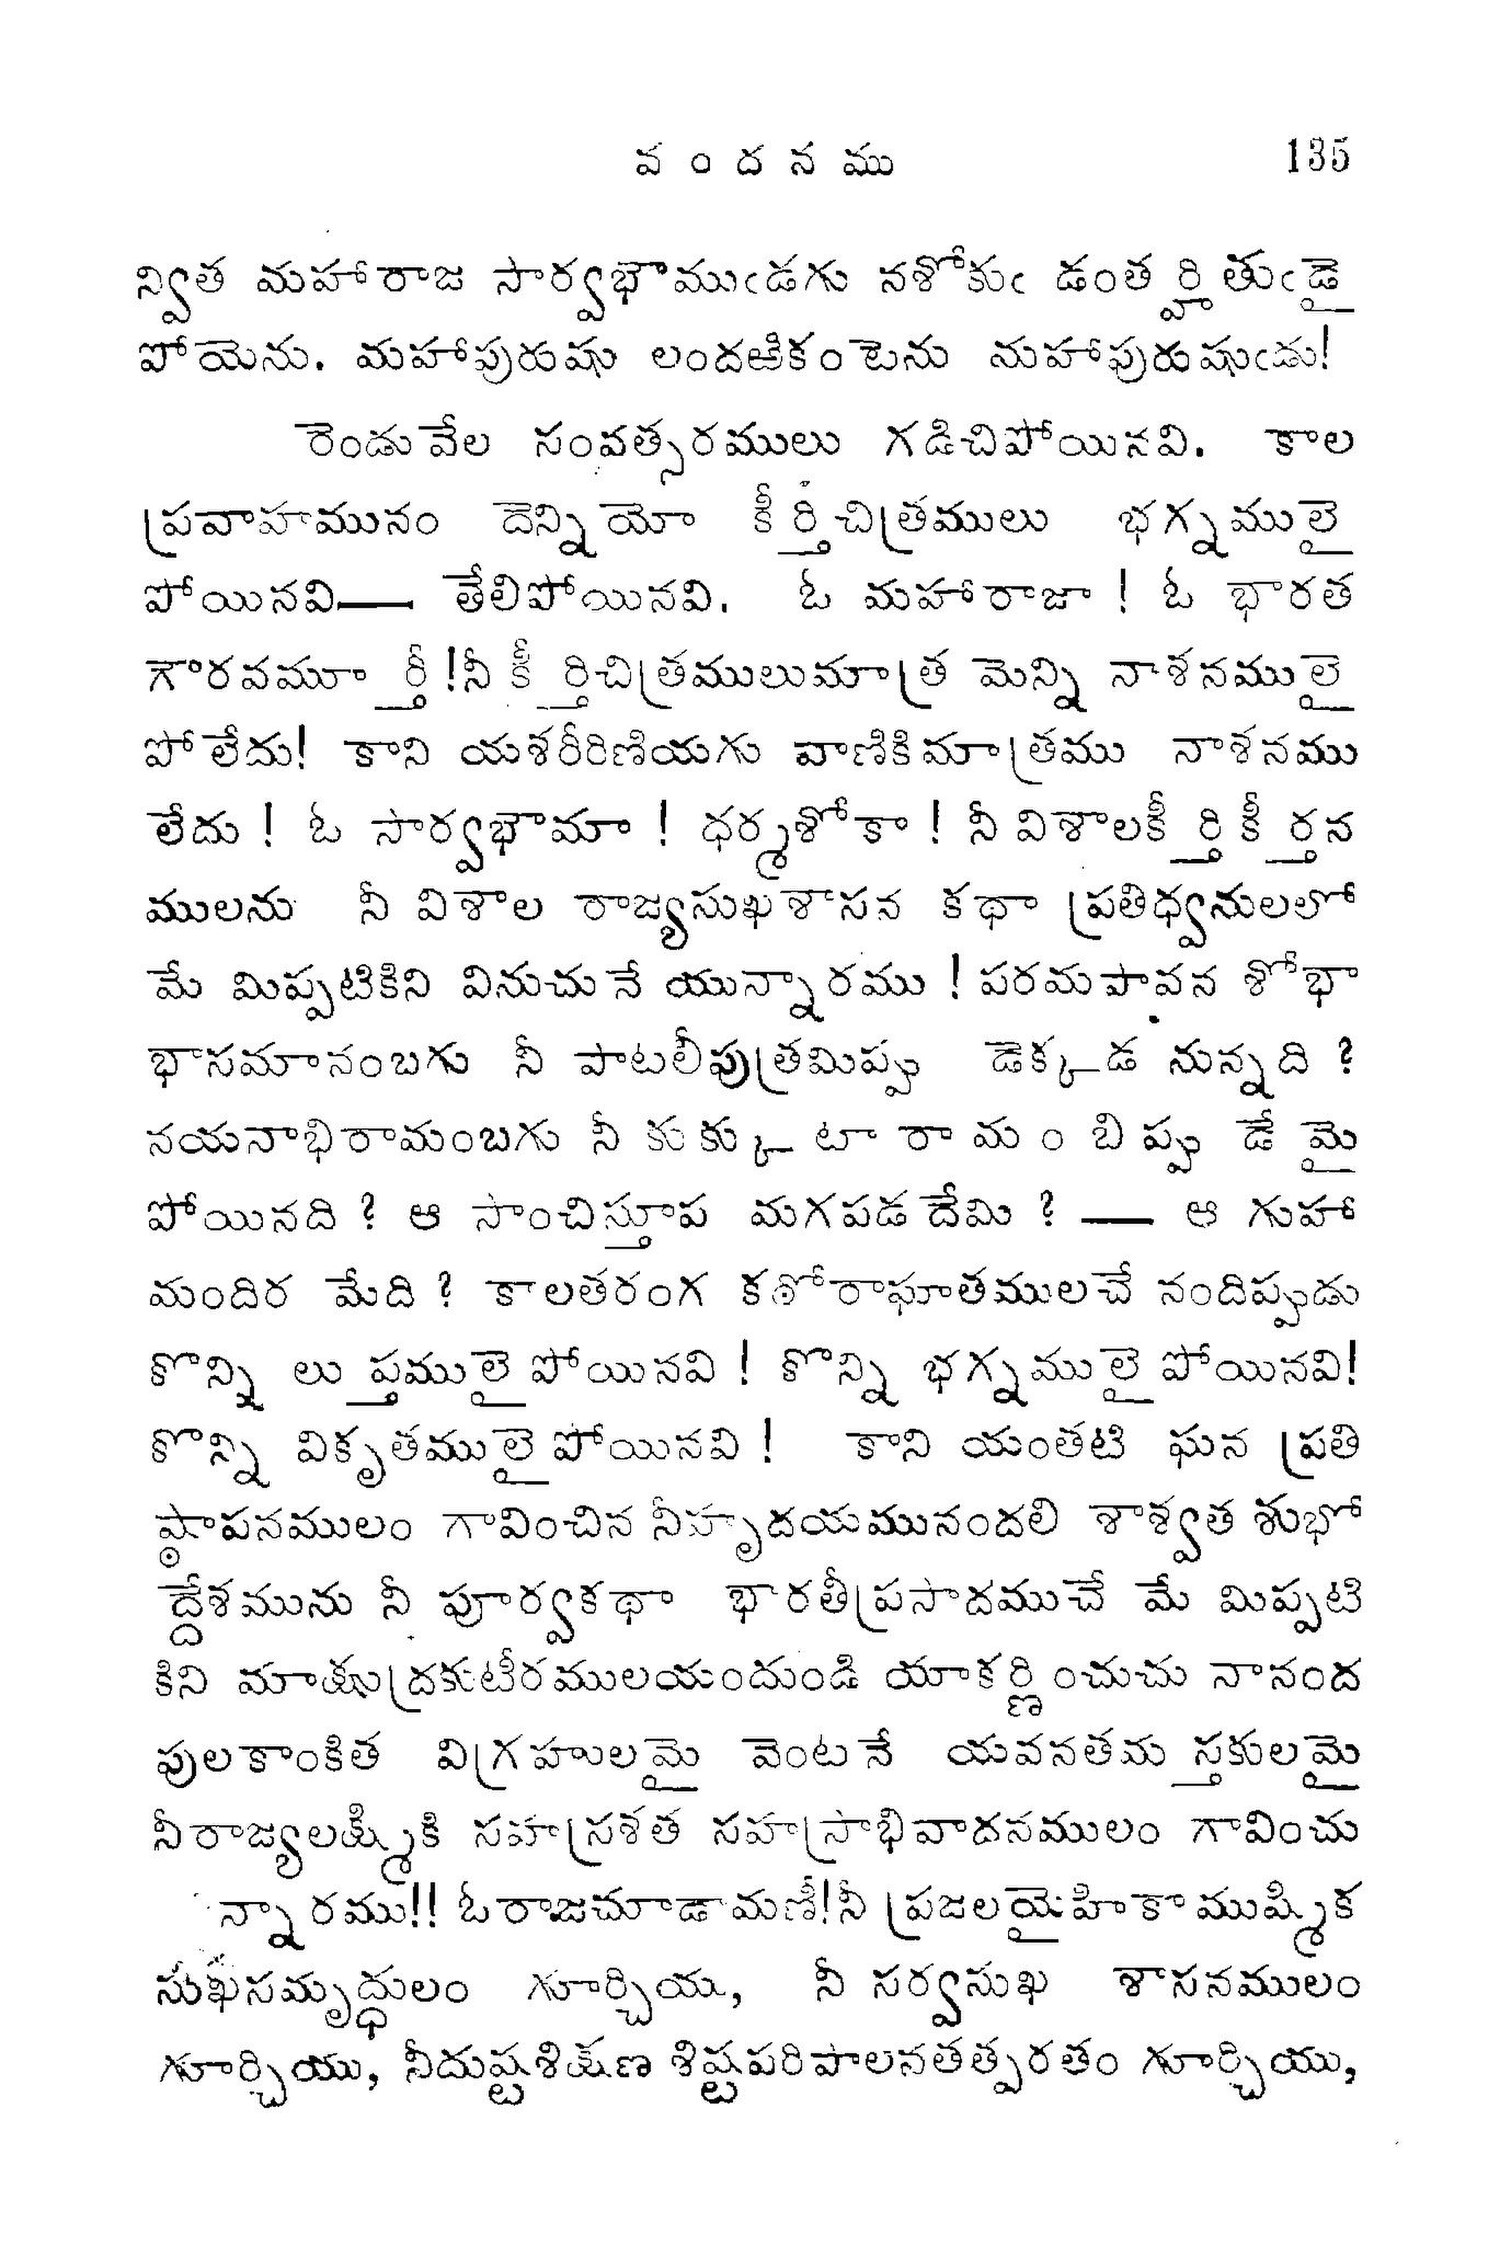న్విత మహారాజ సార్వభౌముఁడగు నశోకుఁ డంతర్హితుఁడై పోయెను. మహా పురుషు లందఱికం టెను మహాపురుషుఁడు!

రెండు వేల సంవత్సరములు గడిచిపోయినవి. కాలప్రవాహమునం దెన్నియో కీర్తి చిత్రములు భగ్నములై పోయినవి—— తేలిపోయినవి. ఓ మహారాజా ! ఓ భారత గౌరవమూర్తీ !నీ కీర్తిచిత్రములు మాత్ర మెన్ని నాశనములై పోలేదు! కాని యశరీరిణియగు వాణికి మాత్రము నాశనము లేదు ! ఓ సార్వభౌమా ! ధర్మశోకా ! నీ విశాలకీర్తి కీర్తనములను నీ విశాల రాజ్యసుఖ శాసన కథా ప్రతిధ్వనులలో మే మిప్పటికిని వినుచునే యున్నారము ! పరమ పావన శోభా భాసమానంబగు నీ పాటలీపుత్రమిప్పు డెక్కడ నున్నది? నయనాభిరామంబగు నీ కుక్కుటా రామం బిప్పుడేమై పోయినది ? ఆ సాంచిస్తూప మగపడ దేమి !—— ఆ గుహా
మందిర మేది ? 'కాలతరంగ కఠోరాఘాతములచే నందిప్పుడు కొన్ని లుప్తములై పోయినవి ! కొన్ని భగ్నములై పోయినవి! కొన్ని వికృతములై పోయినవి ! కాని యంతటి ఘన ప్రతి
ష్టాపనములం గావించిన నీహృదయమునందలి శాశ్వత శుభోద్దేశమును నీ పూర్వకథా భారతీప్రసాదముచే మే మిప్పటికిని మాక్షుద్రకుటీరములయందుండి యాకర్ణించుచు నానంద
పులకాంకిత విగ్రహులమై వెంటనే యవనతమ స్తకులమై నీ రాజ్యలక్ష్మికి సహస్రశత సహస్రాభి వాదనములం గావించు చున్నారము!! ఓ రాజచూడామణీ! నీ ప్రజల యైహికాముష్మిక సుఖ సమృద్ధులం గూర్చియ, నీ సర్వసుఖ శాసనములం గూర్చియు, నీ దుష్ట శిక్షణ శిష్ట పరిపాలనతత్పరతం గూర్చియు,